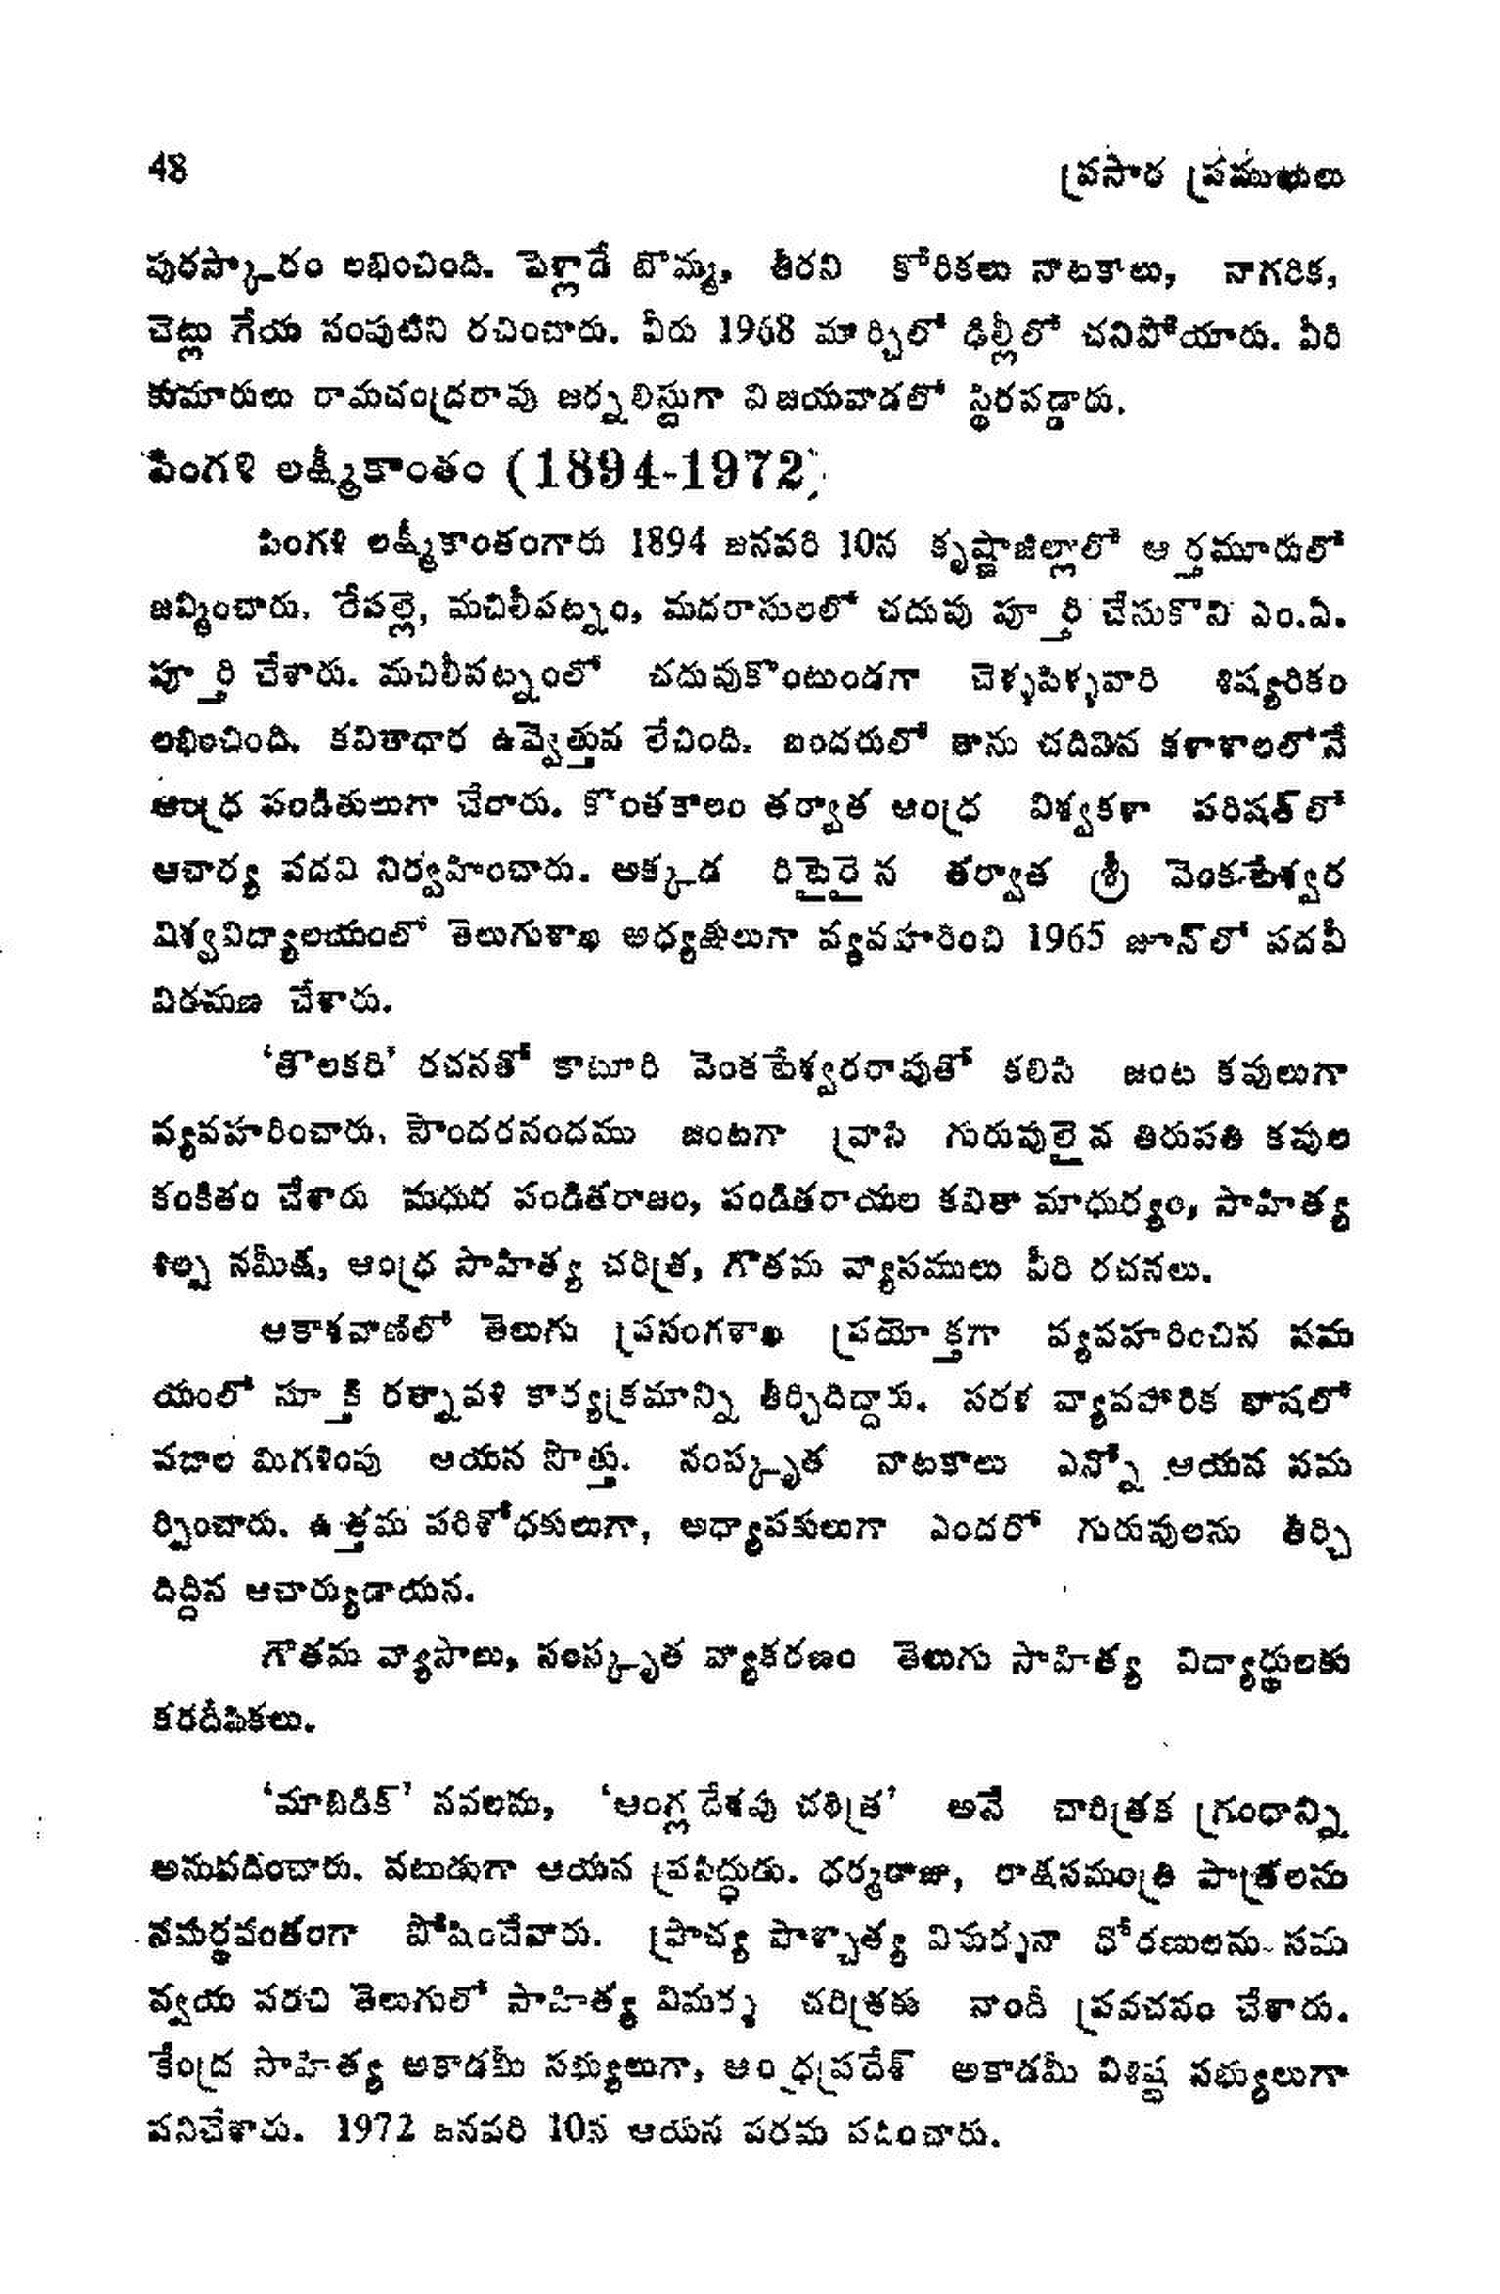పురస్కారం లభించింది. పెళ్లాడే బొమ్మ, తీరని కోరికలు నాటకాలు, నాగరిక, చెట్లు గేయ సంపుటిని రచించారు. వీరు 1968 మార్చిలో ఢిల్లీలో చనిపోయారు. వీరి కుమారులు రామచంద్రరావు జర్నలిస్టుగా విజయవాడలో స్థిరపడ్డారు.

పింగళి లక్ష్మీకాంతంగారు 1894 జనవరి 10న కృష్ణాజిల్లాలో ఆర్తమూరులో జన్మించారు. రేపల్లె, మచిలీపట్నం, మదరాసులలో చదువు పూర్తి చేసుకొని ఎం.ఏ. పూర్తి చేశారు. మచిలీపట్నంలో చదువుకొంటుండగా చెళ్ళపిళ్ళవారి శిష్యరికం లభించింది. కవితాధార ఉవ్వెత్తువ లేచింది. బందరులో తాను చదివిన కళాశాలలోనే ఆంధ్ర పండితులుగా చేరారు. కొంతకాలం తర్వాత ఆంధ్ర విశ్వకళా పరిషత్‌లో ఆచార్య పదవి నిర్వహించారు. అక్కడ రిటైరైన తర్వాత శ్రీ వెంకటేశ్వర విశ్వవిద్యాలయంలో తెలుగుశాఖ అధ్యక్షులుగా వ్యవహరించి 1965 జూన్‌లో పదవీ విరమణ చేశారు.

'తొలకరి' రచనతో కాటూరి వెంకటేశ్వరరావుతో కలిసి జంట కవులుగా వ్యవహరించారు. సౌందరనందము జంటగా వ్రాసి గురువులైన తిరుపతి కవుల కంకితం చేశారు. మధుర పండితరాజం, పండితరాయల కవితా మాధుర్యం, సాహిత్య శిల్ప సమీక్ష, ఆంధ్ర సాహిత్య చరిత్ర, గౌతమ వ్యాసములు వీరి రచనలు.

ఆకాశవాణిలో తెలుగు ప్రసంగశాఖ ప్రయోక్తగా వ్యవహరించిన సమయంలో సూక్తి రత్నావళి కార్యక్రమాన్ని తీర్చిదిద్దారు. సరళ వ్యావహారిక భాషలో పదాల మిగళింపు ఆయన సొత్తు. సంస్కృత నాటకాలు ఎన్నో ఆయన సమర్పించారు. ఉత్తమ పరిశోధకులుగా, అధ్యాపకులుగా ఎందరో గురువులను తీర్చి దిద్దిన ఆచార్యుడాయన.

గౌతమ వ్యాసాలు, సంస్కృత వ్యాకరణం తెలుగు సాహిత్య విద్యార్థులకు కరదీపికలు.

'మాబిడిక్‌' నవలను, 'ఆంగ్లదేశపు చరిత్ర' అనే చారిత్రక గ్రంథాన్ని అనువదించారు. నటుడుగా ఆయన ప్రసిద్ధుడు. ధర్మరాజు, రాక్షసమంత్రి పాత్రలను సమర్థవంతంగా పోషించేవారు. ప్రాచ్య పాశ్చాత్య విమర్శనా ధోరణులను సమన్వయ పరచి తెలుగులో సాహిత్య విమర్శ చరిత్రకు నాందీ ప్రవచనం చేశారు. కేంద్ర సాహిత్య అకాడమీ సభ్యులుగా, ఆంధ్రప్రదేశ అకాడమీ విశిష్ట సభ్యులుగా పనిచేశారు. 1972 జనవరి 10న ఆయన పరమ పదించారు.